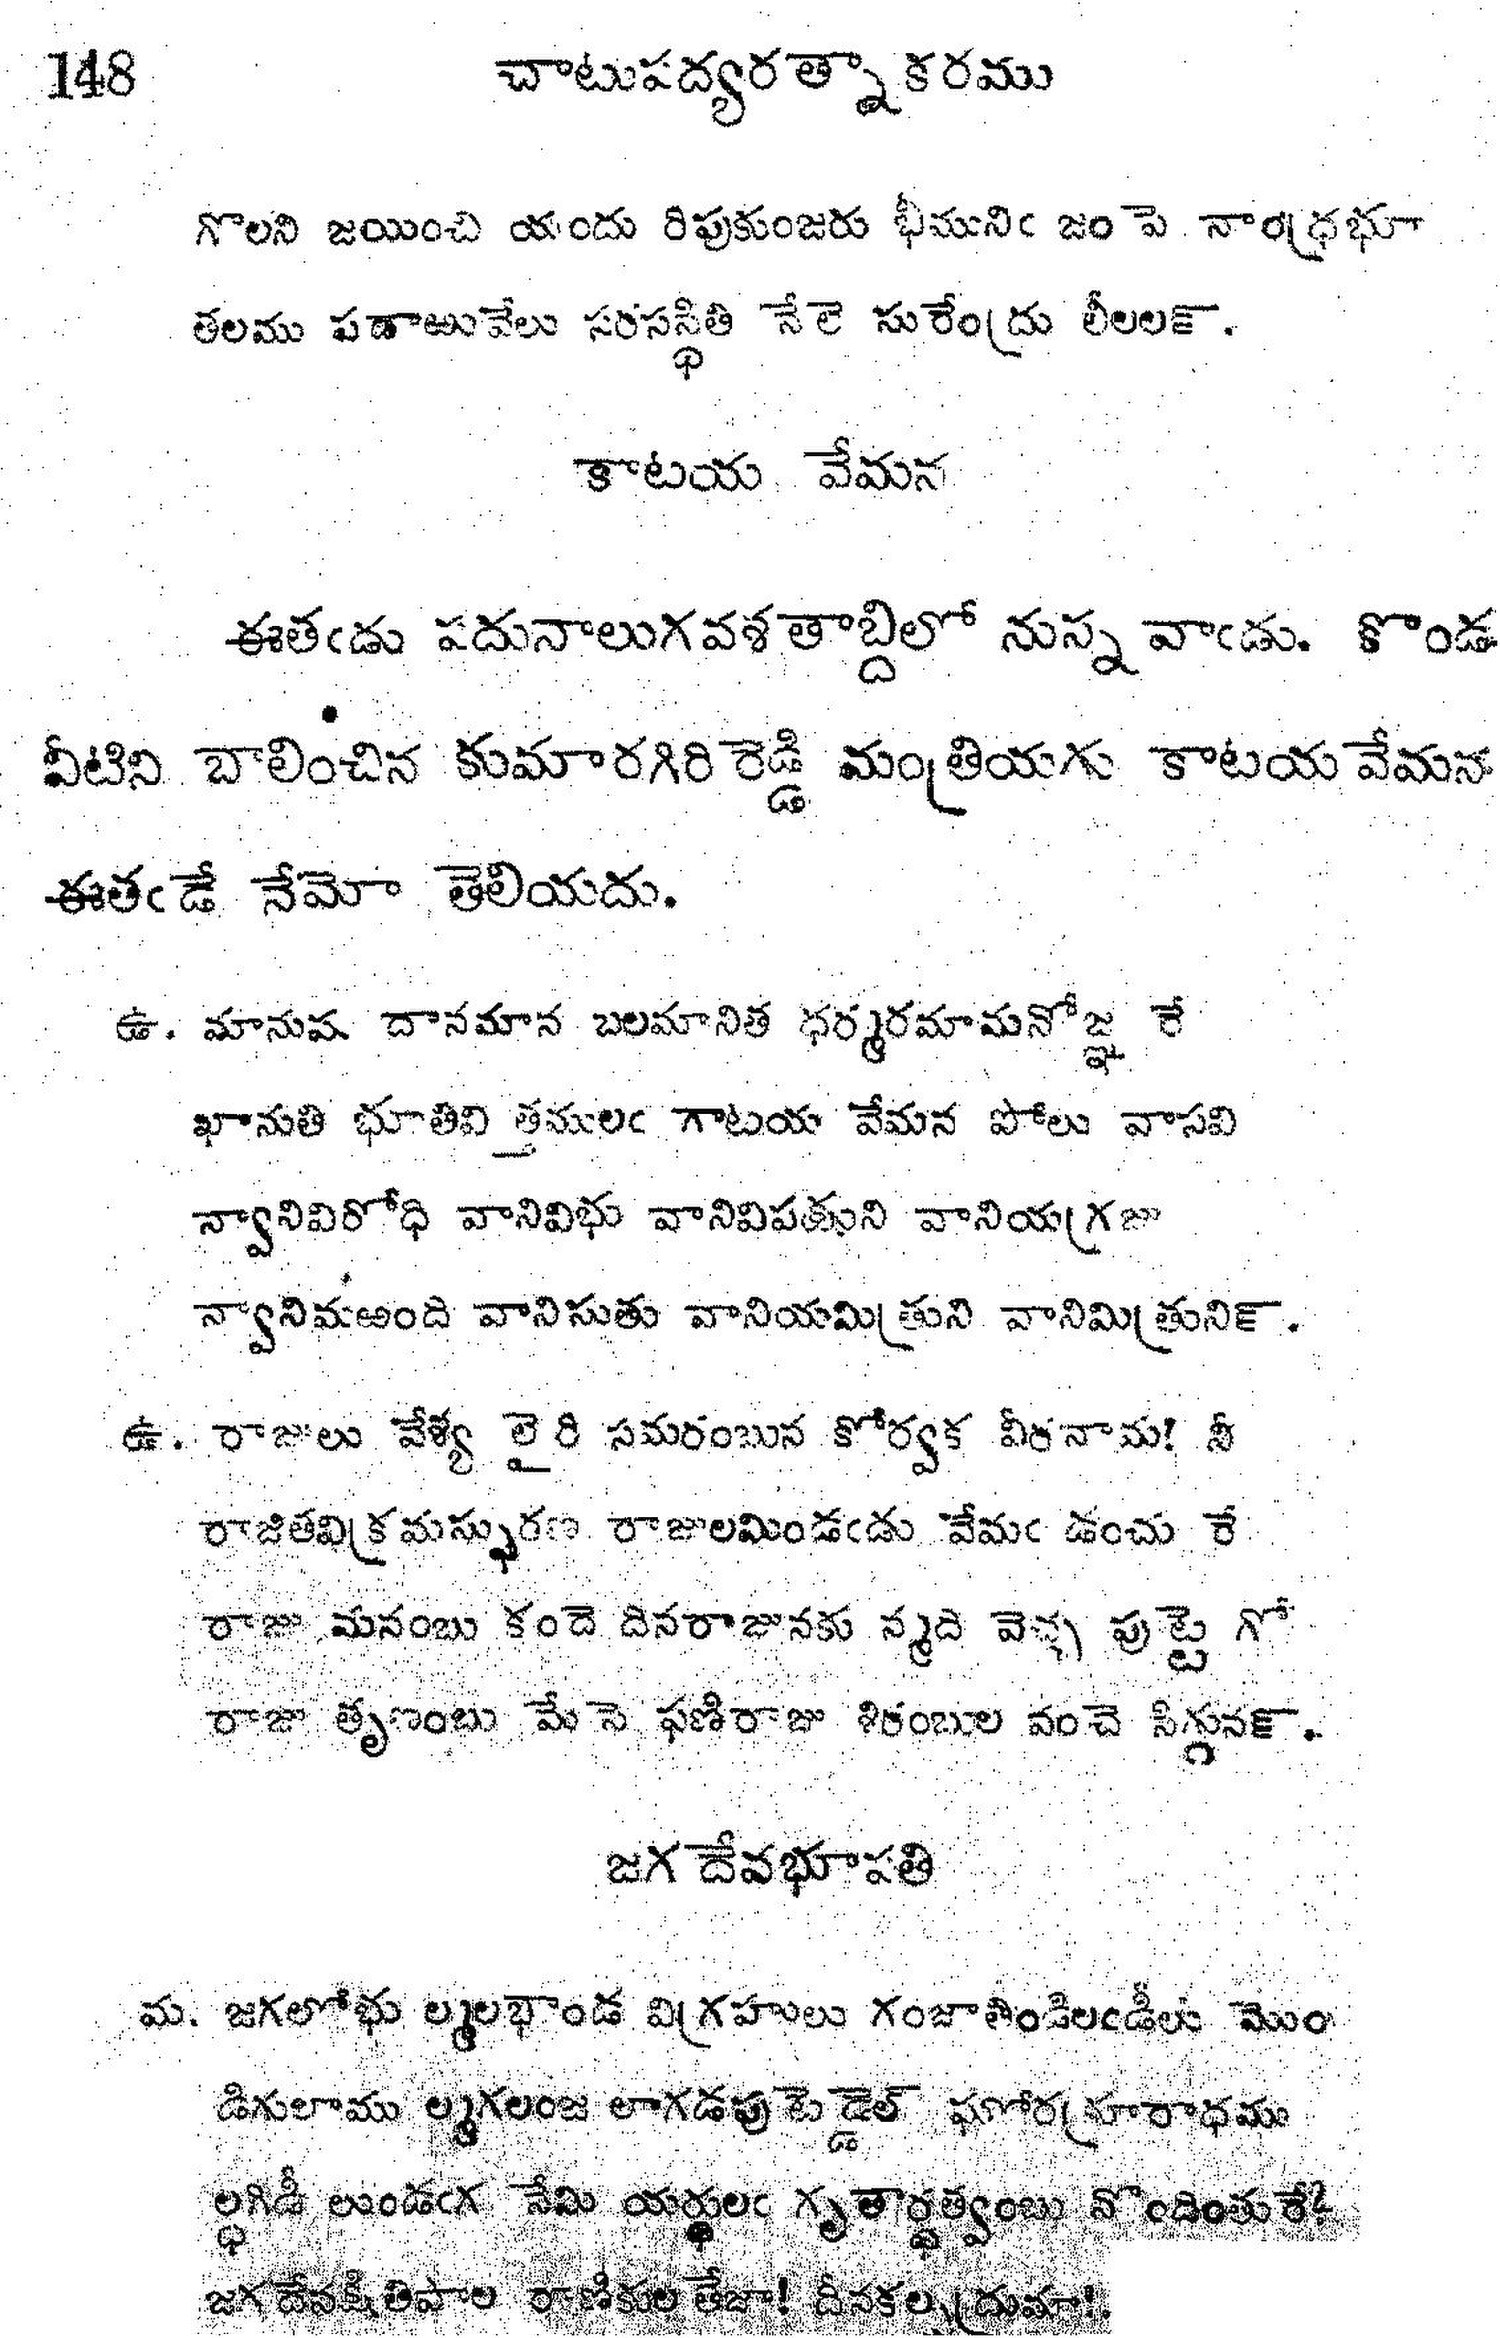గొలని జయించి యందు రిపుకుంజరు భీమునిఁ జంపె నాంధ్రభూ
 తలము పదాఱువేలు సరసస్థితి నేలె సురేంద్రు లీలలన్.

ఈతఁడు పదునాలుగవశతాబ్దిలో నున్నవాఁడు. కొండవీటిని బాలించిన కుమారగిరిరెడ్డి మంత్రియగు కాటయ వేమన ఈతఁడే నేమో తెలియదు.

ఉ. మానుషదానమానబలమానితధర్మరమామనోజ్ఞరే
 ఖానుతిభూతివిత్తములఁ గాటయ వేమన పోలు వాసవి
 న్వానివిరోధి వానివిభు వనివిపక్షుని వానియగ్రజు
 న్వానిమఱంది వానిసుతు వానియమిత్రుని వానిమిత్రునిన్.

ఉ. రాజులు వేశ్య లైరి సమరంబున కోర్వక వీరనామ! నీ
 రాజితవిక్రమస్ఫురణ రాజులమిండఁడు వేమఁ డంచు రే
 రాజు మనంబు కందె దినరాజునకు న్మది వెచ్చ పుట్టె గో
 రాజు తృణంబు మేసె ఫణిరాజు శిరంబుల వంచె సిగ్గునన్.

మ. జగలోభు ల్మలభాండ విగ్రహులు గంజాతిండిలఁడీలు మొం
 డిగులాము ల్మగలంజ లాగడపుటెడ్డెల్ ఘోరక్రూరాధము
 ల్ధగిడీ లుండఁగ నేమి యర్థులఁ గృతార్థత్వంబు నొందింతురే?
 జగదేవక్షితిపాల రాణికులతేజా! దీనకల్పద్రుమా!